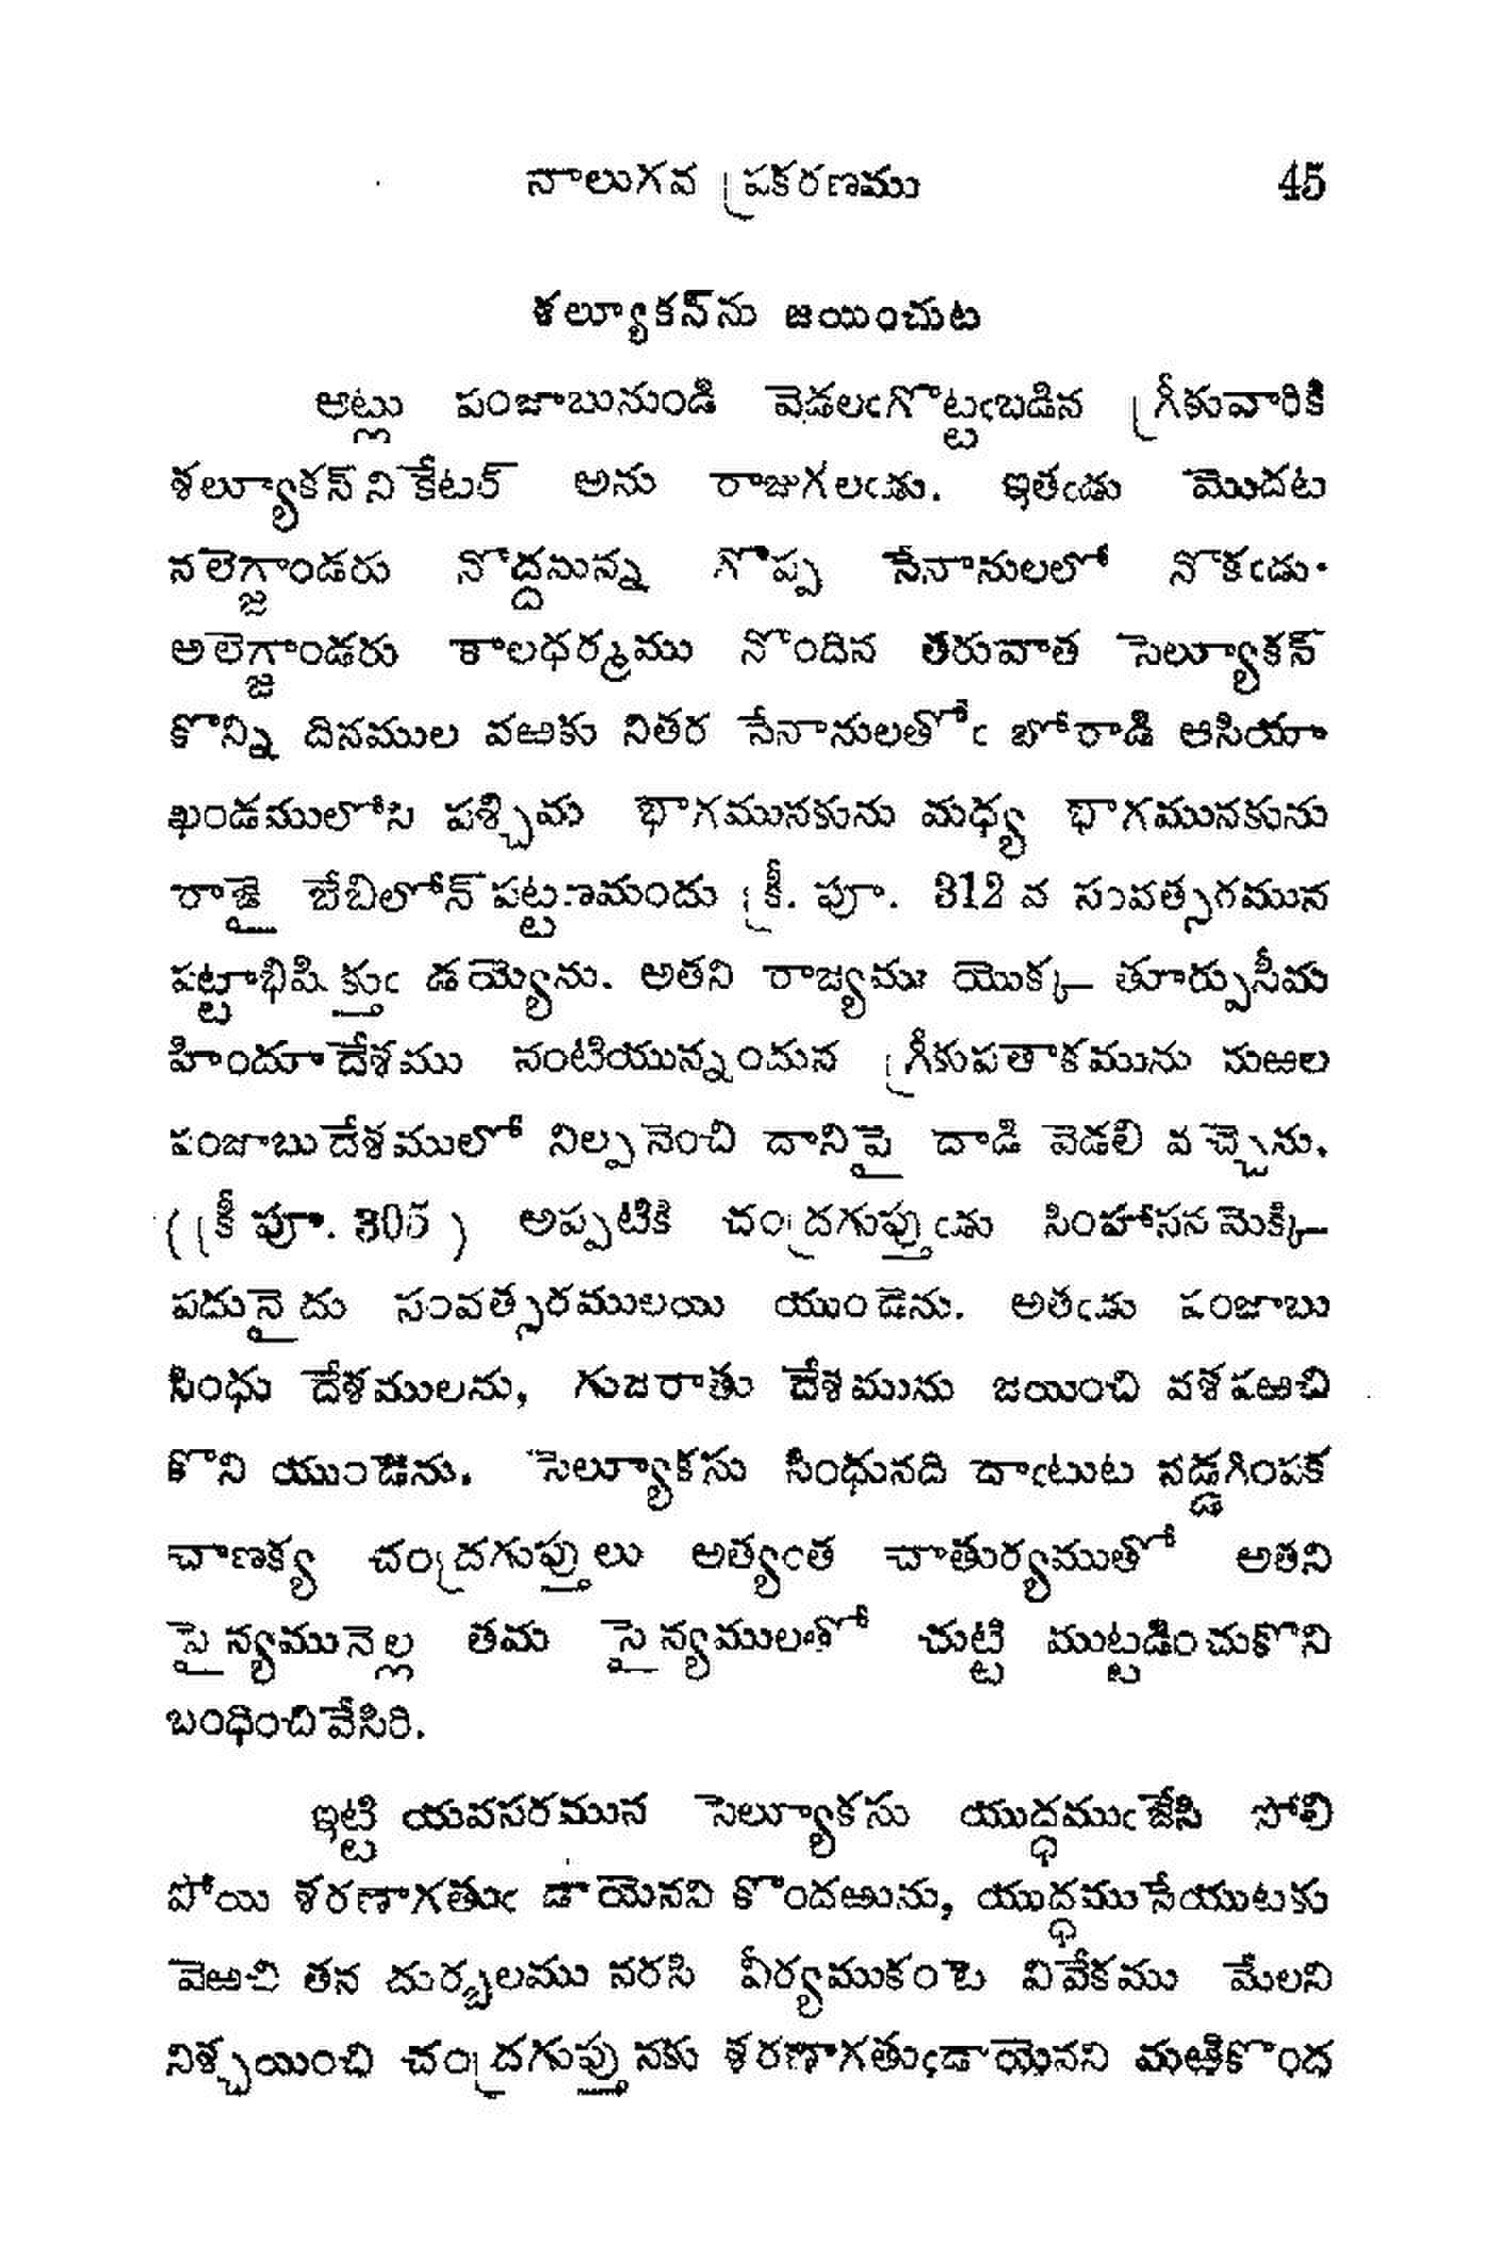శల్యూకస్‌ను జయించుట 

అట్లు పంజాబునుండి వెడలఁగొట్టఁబడిన గ్రీకువారికి శల్యూకస్‌నికేటర్ అను రాజుగలఁడు. ఇతఁడు మొదట నలెగ్జాండరు నొద్దనున్న గొప్ప సేనానులలో నొకఁడు . అలెగ్జాండరు కాలధర్మము నొందిన తరువాత సెల్యూకన్ కొన్ని దినముల వఱకు నితర సేనానులతోఁ బోరాడి ఆసియా ఖండములోని పశ్చిమ భాగమునకును మధ్య భాగమునకును రాజై బేబిలోన్ పట్టణమందు క్రీ. పూ. 312 వ సంవత్సరమున పట్టాభిషిక్తుఁ డయ్యెను. అతని రాజ్యము యొక్క తూర్పుసీమ హిందూ దేశము నంటియున్నందున గ్రీకుపతాకమును మఱల పంజాబు దేశములో నిల్పనెంచి దానిపై దాడి వెడలి వచ్చెను. (కీ. పూ. 305 ) అప్పటికి చంద్రగుప్తుఁడు సింహాసనమెక్కి పదునైదు సంవత్సరములయి యుండెను. అతఁడు పంజాబు సింధు దేశములను, గుజరాతు దేశమును జయించి వశపరిచి కొని యుండెను. సెల్యూకసు సింధునది దాఁటుట నడ్డగింపక చాణక్య చంద్రగుప్తులు అత్యంత చాతుర్యముతో అతని సైన్యమునెల్ల తమ సైన్యములతో చుట్టి ముట్టడించుకొని బంధించి వేసిరి.

ఇట్టి యవసరమున సెల్యూకసు యుద్ధముఁజేసి సోలిపోయి శరణాగతుఁ డాయెనని కొందఱును, యుద్ధముసేయుటకు
వెఱచి తన దుర్బలము నరసి వీర్యముకంటే వివేకము మేలని నిశ్చయించి చంద్రగుప్తునకు శరణాగతుఁడాయెనని మఱికొంద